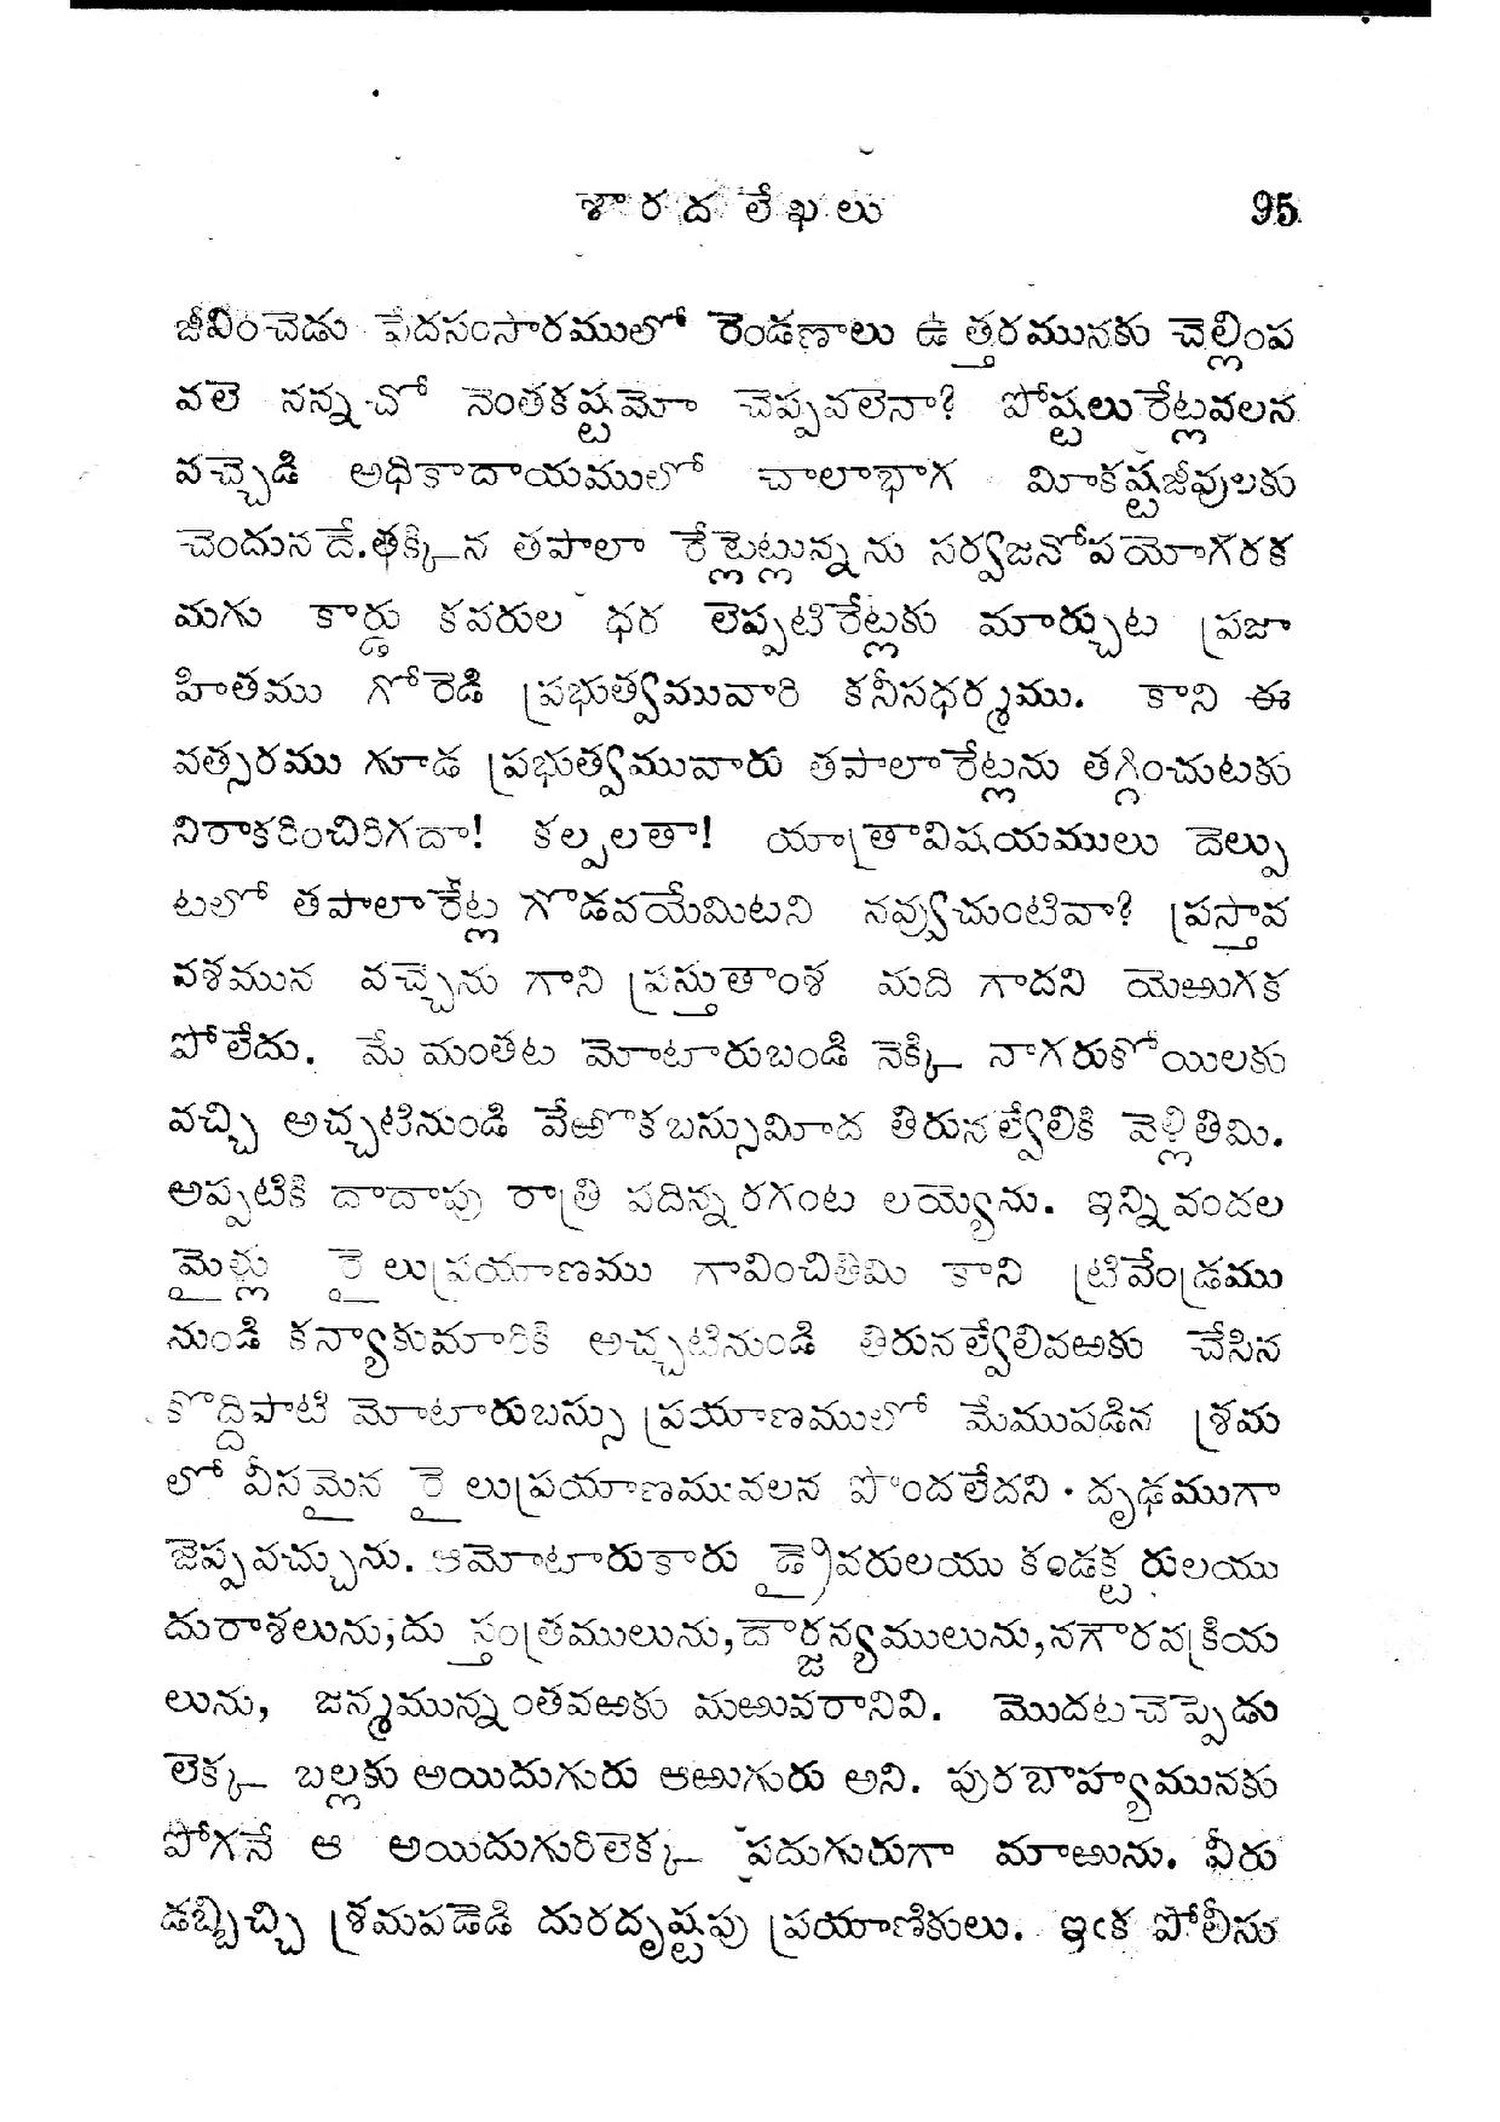జీవించెడు పేదసంసారములో రెండణాలు ఉత్తరమునకు చెల్లింపవలె నన్నచో నెంతకష్టమో చెప్పవలెనా? పోష్టలురేట్లవలన వచ్చెడి అధికాదాయములో చాలాభాగ మీకష్టజీవులకు చెందునదే. తక్కిన తపాలా రేట్లెట్లున్నను సర్వజనోపయోగరకమగు కార్డు కవరుల ధర లెప్పటిరేట్లకు మార్చుట ప్రజాహితము గోరెడి ప్రభుత్వమువారి కనీసధర్మము. కాని ఈ వత్సరము గూడ ప్రభుత్వమువారు తపాలారేట్లను తగ్గించుటకు
నిరాకరించిరిగదా! కల్పలతా! యాత్రావిషయములు దెల్పుటలో తపాలారేట్ల గొడవయేమిటని నవ్వుచుంటివా? ప్రస్తావ వశమున వచ్చెను గాని ప్రస్తుతాంశ మది గాదని యెఱుగక పోలేదు. మే మంతట మోటారుబండి నెక్కి నాగరుకోయిలకు వచ్చి అచ్చటినుండి వేఱొకబస్సుమీద తిరునల్వేలికి వెళ్లితిమి. అప్పటికి దాదాపు రాత్రి పదిన్నరగంట లయ్యెను. ఇన్నివందల మైళ్లు రైలుప్రయాణము గావించితిమి కాని ట్రివేండ్రము నుండి కన్యాకుమారికి అచ్చటనుండి తిరునల్వేలివఱకు చేసిన కొద్దిపాటి మోటారుబస్సు ప్రయాణములో మేముపడిన శ్రమలో వీసమైన రైలుప్రయాణమువలన పొందలేదని దృఢముగా జెప్పవచ్చును. ఆమోటారుకారు డ్రైవరులయు కండక్టరులయు దురాశలును, దుస్తంత్రములును, దౌర్జన్యములును, నగౌరవక్రియలును, జన్మమున్నంతవఱకు మఱువరానివి. మొదట చెప్పెడు లెక్క బల్లకు అయిదుగురు ఆఱుగురు అని. పురబాహ్యమునకు పోగనే ఆ అయిదుగురిలెక్క పదుగురుగా మాఱును. వీరు డబ్బిచ్చి శ్రమపడెడి దురదృష్టపు ప్రయాణికులు. ఇఁక పోలీసు